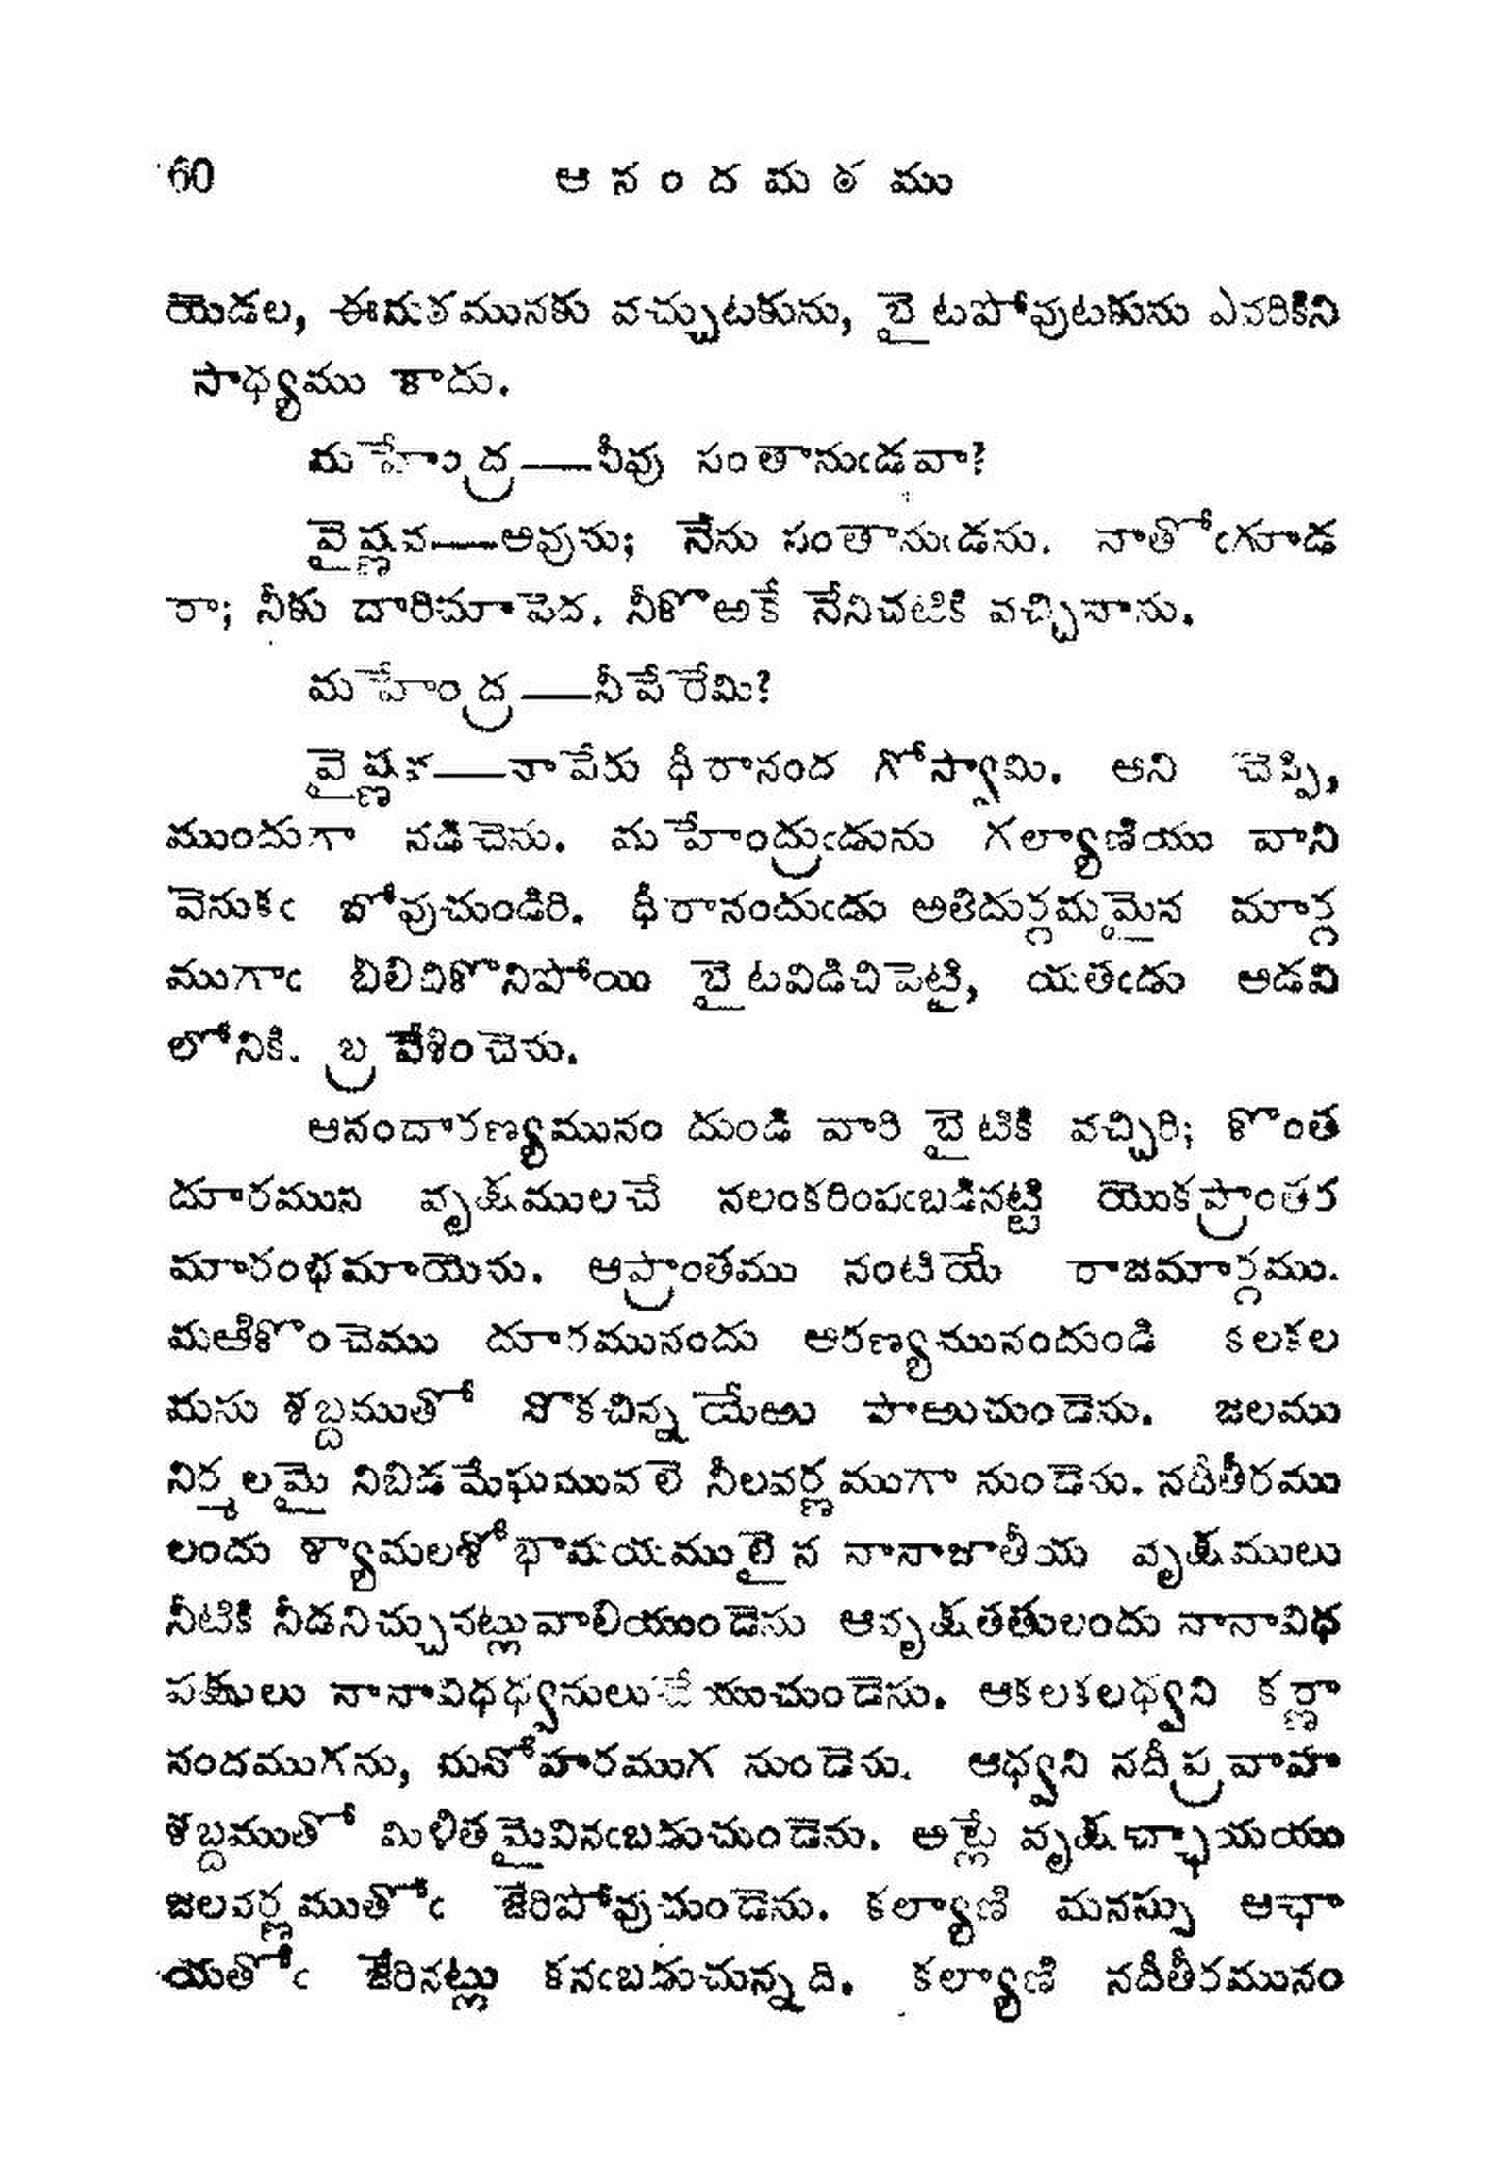యెడల, ఈమఠమునకు వచ్చుటకును, బైటపోవుటకును ఎవరికిని సాధ్యము కాదు.

మహేంద్ర—— నీవు సంతానుఁడవా!

వైష్ణవ——అవును, నేను సంతానుఁడను. నాతోఁగూడ రా; నీకు దారిచూపెద. నీకొఱకే నేనిచటికి వచ్చినాను.

మహేంద్ర —— నీ పేరేమి?

వైష్ణవ——నా పేరు ధీరానంద గోస్వామి. అని చెప్పి, ముందుగా నడిచెను. మహేంద్రుఁడును గల్యాణియు వాని వెనుకఁ బోవుచుండిరి. ధీరానందుఁడు అతిదుర్గమమైన మార్గముగాఁ బిలిచికొనిపోయి బైటవిడిచి పెట్టి, యతఁడు అడవి లోనికి. బ్రవేశించెను.

ఆనందారణ్యమునం దుండి వారి బైటికి వచ్చిరి; కొంత దూరమున వృక్షములచే నలంకరింపఁబడినట్టి యొక ప్రాంతం మారంభమాయెను. ఆ ప్రాంతము నంటియే రాజమార్గము. మణికొంచెము దూరమునందు అరణ్యమునందుండి కలకల మను శబ్దముతో నొక చిన్న యేఱు పాఱుచుండెను. జలము నిర్మలమై నిబిడ మేఘమువలె నీలవర్ణముగా నుండెను. నదీతీరము లందు శ్యామలశోభామయములైన నానాజాతీయ వృక్షములు నీటికి నీడనిచ్చునట్లు వాలియుండెను ఆవృక్షతతులందు నానావిధ పక్షులు నానావిధధ్వనులు చేయుచుండెను. ఆకలకలధ్వని కర్ణానందముగను, మనోహరముగ నుండెను. ఆధ్వని నదీ ప్రవాహ శబ్దముతో మిళితమైవినఁబడుచుండెను. అట్లే వృక్షచ్ఛాయయు జలవర్ణముతోఁ జేరిపోవు చుండెను. కల్యాణి మనస్సు ఆఛాయతోఁ జేరినట్లు కనఁబడుచున్నది. కల్యాణి నదీతీరమునం